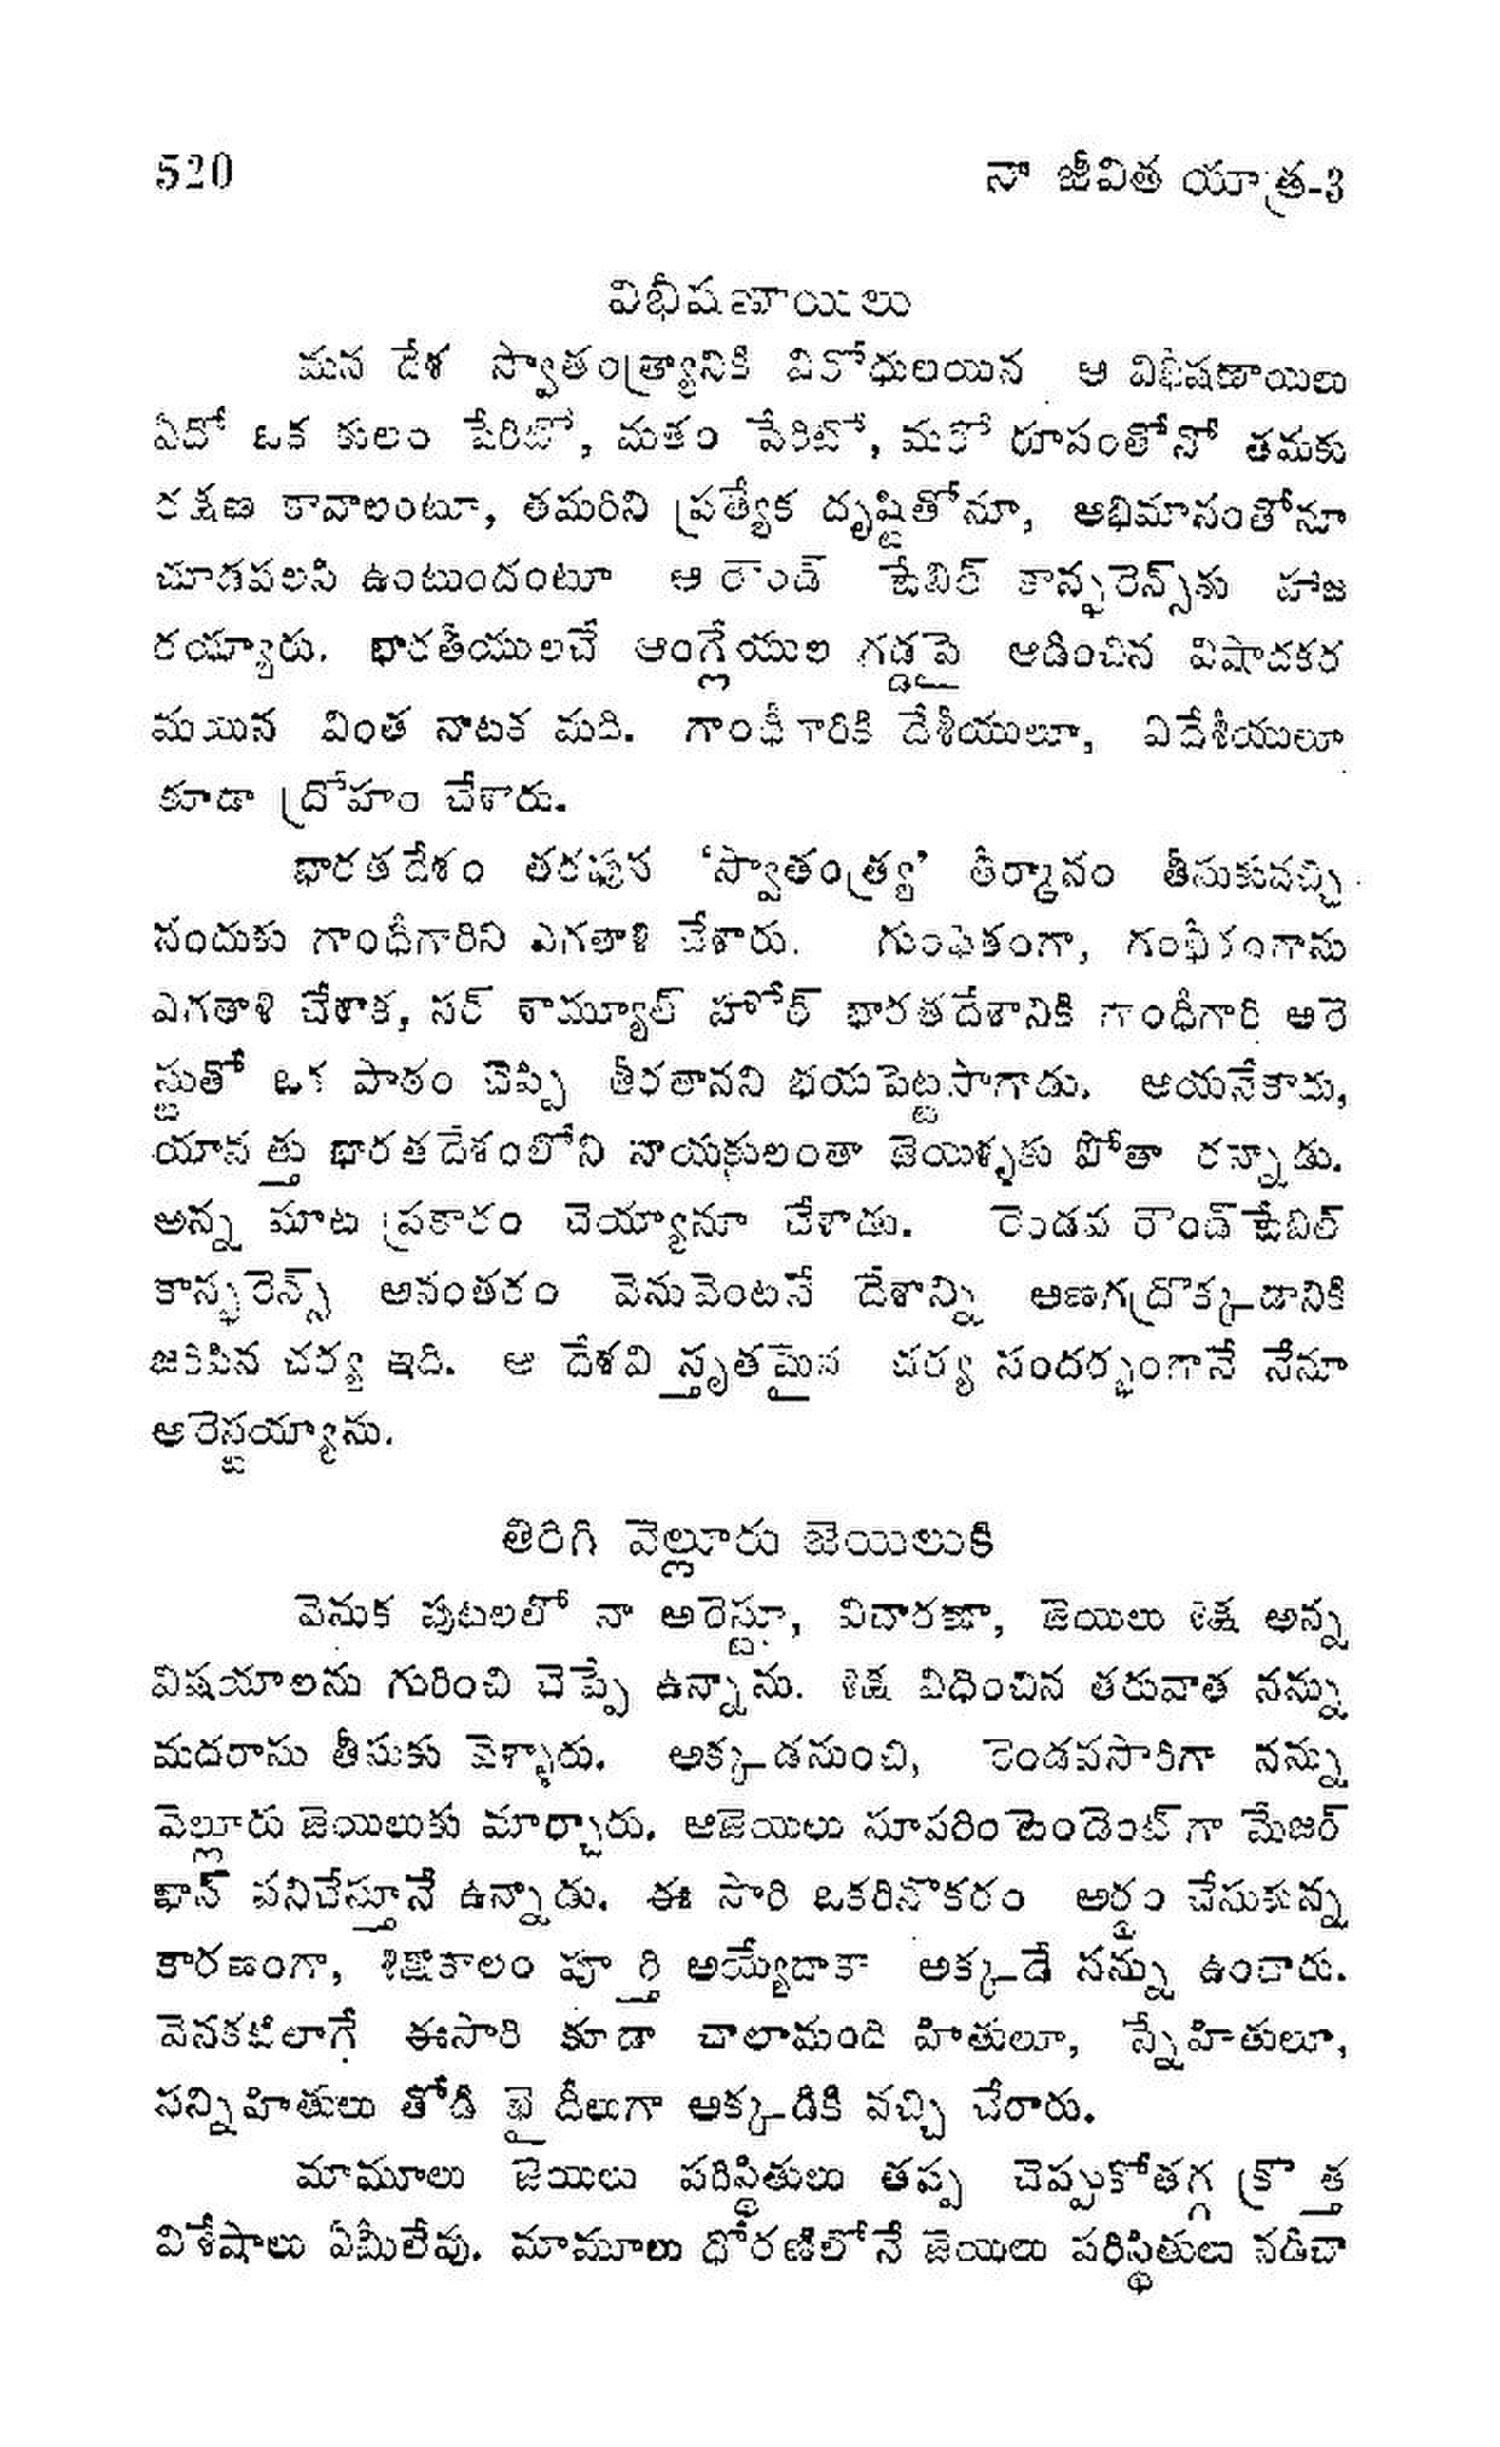మనదేశ స్వాతంత్ర్యానికి విరోధులయిన ఆ విభీషణాయిలు ఏదో ఒక కులం పేరిటో, మతం పేరిటో, మరో రూపంలోనో తమకు రక్షణ కావాలంటూ, తమరిని ప్రత్యేక దృష్టితోనూ, అభిమానంతోనూ చూడవలసి ఉంటుందంటూ ఆ రౌండ్ టేబిల్ కాన్ఫరెన్స్‌కు హాజరయ్యారు. భారతీయులచే ఆంగ్లేయుల గడ్డపై ఆడించిన విషాద కరమయిన వింత నాటక మది. గాంధీగారికి దేశీయులూ, విదేశీయులూ కూడా ద్రోహం చేశారు.

భారత దేశం తరపున 'స్వాతంత్ర్య' తీర్మానం తీసుకువచ్చి నందుకు గాంధీగారిని ఎగతాళి చేశారు. గుంఫితంగా, గంభీరంగాను ఎగతాళి చేశాక, సర్ శామ్యూల్ హోర్ భారతదేశానికి గాంధీగారి అరెస్టుతో ఒక పాఠం చెప్పి తీరతానని భయపెట్ట సాగాడు. ఆయనే కాదు, యావత్తు భారతదేశంలోని నాయకులంతా జెయిళ్ళకు పోతా రన్నాడు. అన్న మాట ప్రకారం చెయ్యనూ చేశాడు. రెండవ రౌండ్‌టేబిల్ కాన్ఫరెన్స్ అనంతరం వెనువెంటనే దేశాన్ని అణగద్రొక్కడానికి జరిపిన చర్య ఇది. ఆ దేశవిస్తృతమైన చర్య సందర్భంగానే నేనూ అరెస్టయ్యాను.

వెనుక పుటలలో నా అరెస్టూ, విచారణా, జెయిలు శిక్ష అన్న విషయాలను గురించి చెప్పే ఉన్నాను. శిక్ష విధించిన తరువాత నన్ను మదరాసు తీసుకు వెళ్ళారు. అక్కడనుంచి, రెండవ సారిగా నన్ను వెల్లూరు జెయిలుకు మార్చారు. ఆజెయిలు సూపరింటెండెంట్‌గా మేజర్ ఖాన్ పనిచేస్తూనే ఉన్నాడు. ఈ సారి ఒకరి నొకరం అర్థం చేసుకున్న కారణంగా, శిక్షాకాలం పూర్తి అయ్యేదాకా అక్కడే నన్ను ఉంచారు. వెనకటి లాగే ఈసారి కూడా చాలామంది హితులూ, స్నేహితులూ, సన్నిహితులు తోడి ఖైదీలుగా అక్కడికి వచ్చి చేరారు.

మామూలు జెయిలు పరిస్థితులు తప్ప చెప్పుకోతగ్గ క్రొత్త విశేషాలు ఏమీలేవు. మామూలు దోరణిలోనే జెయిలు పరిస్థితులు నడిచా